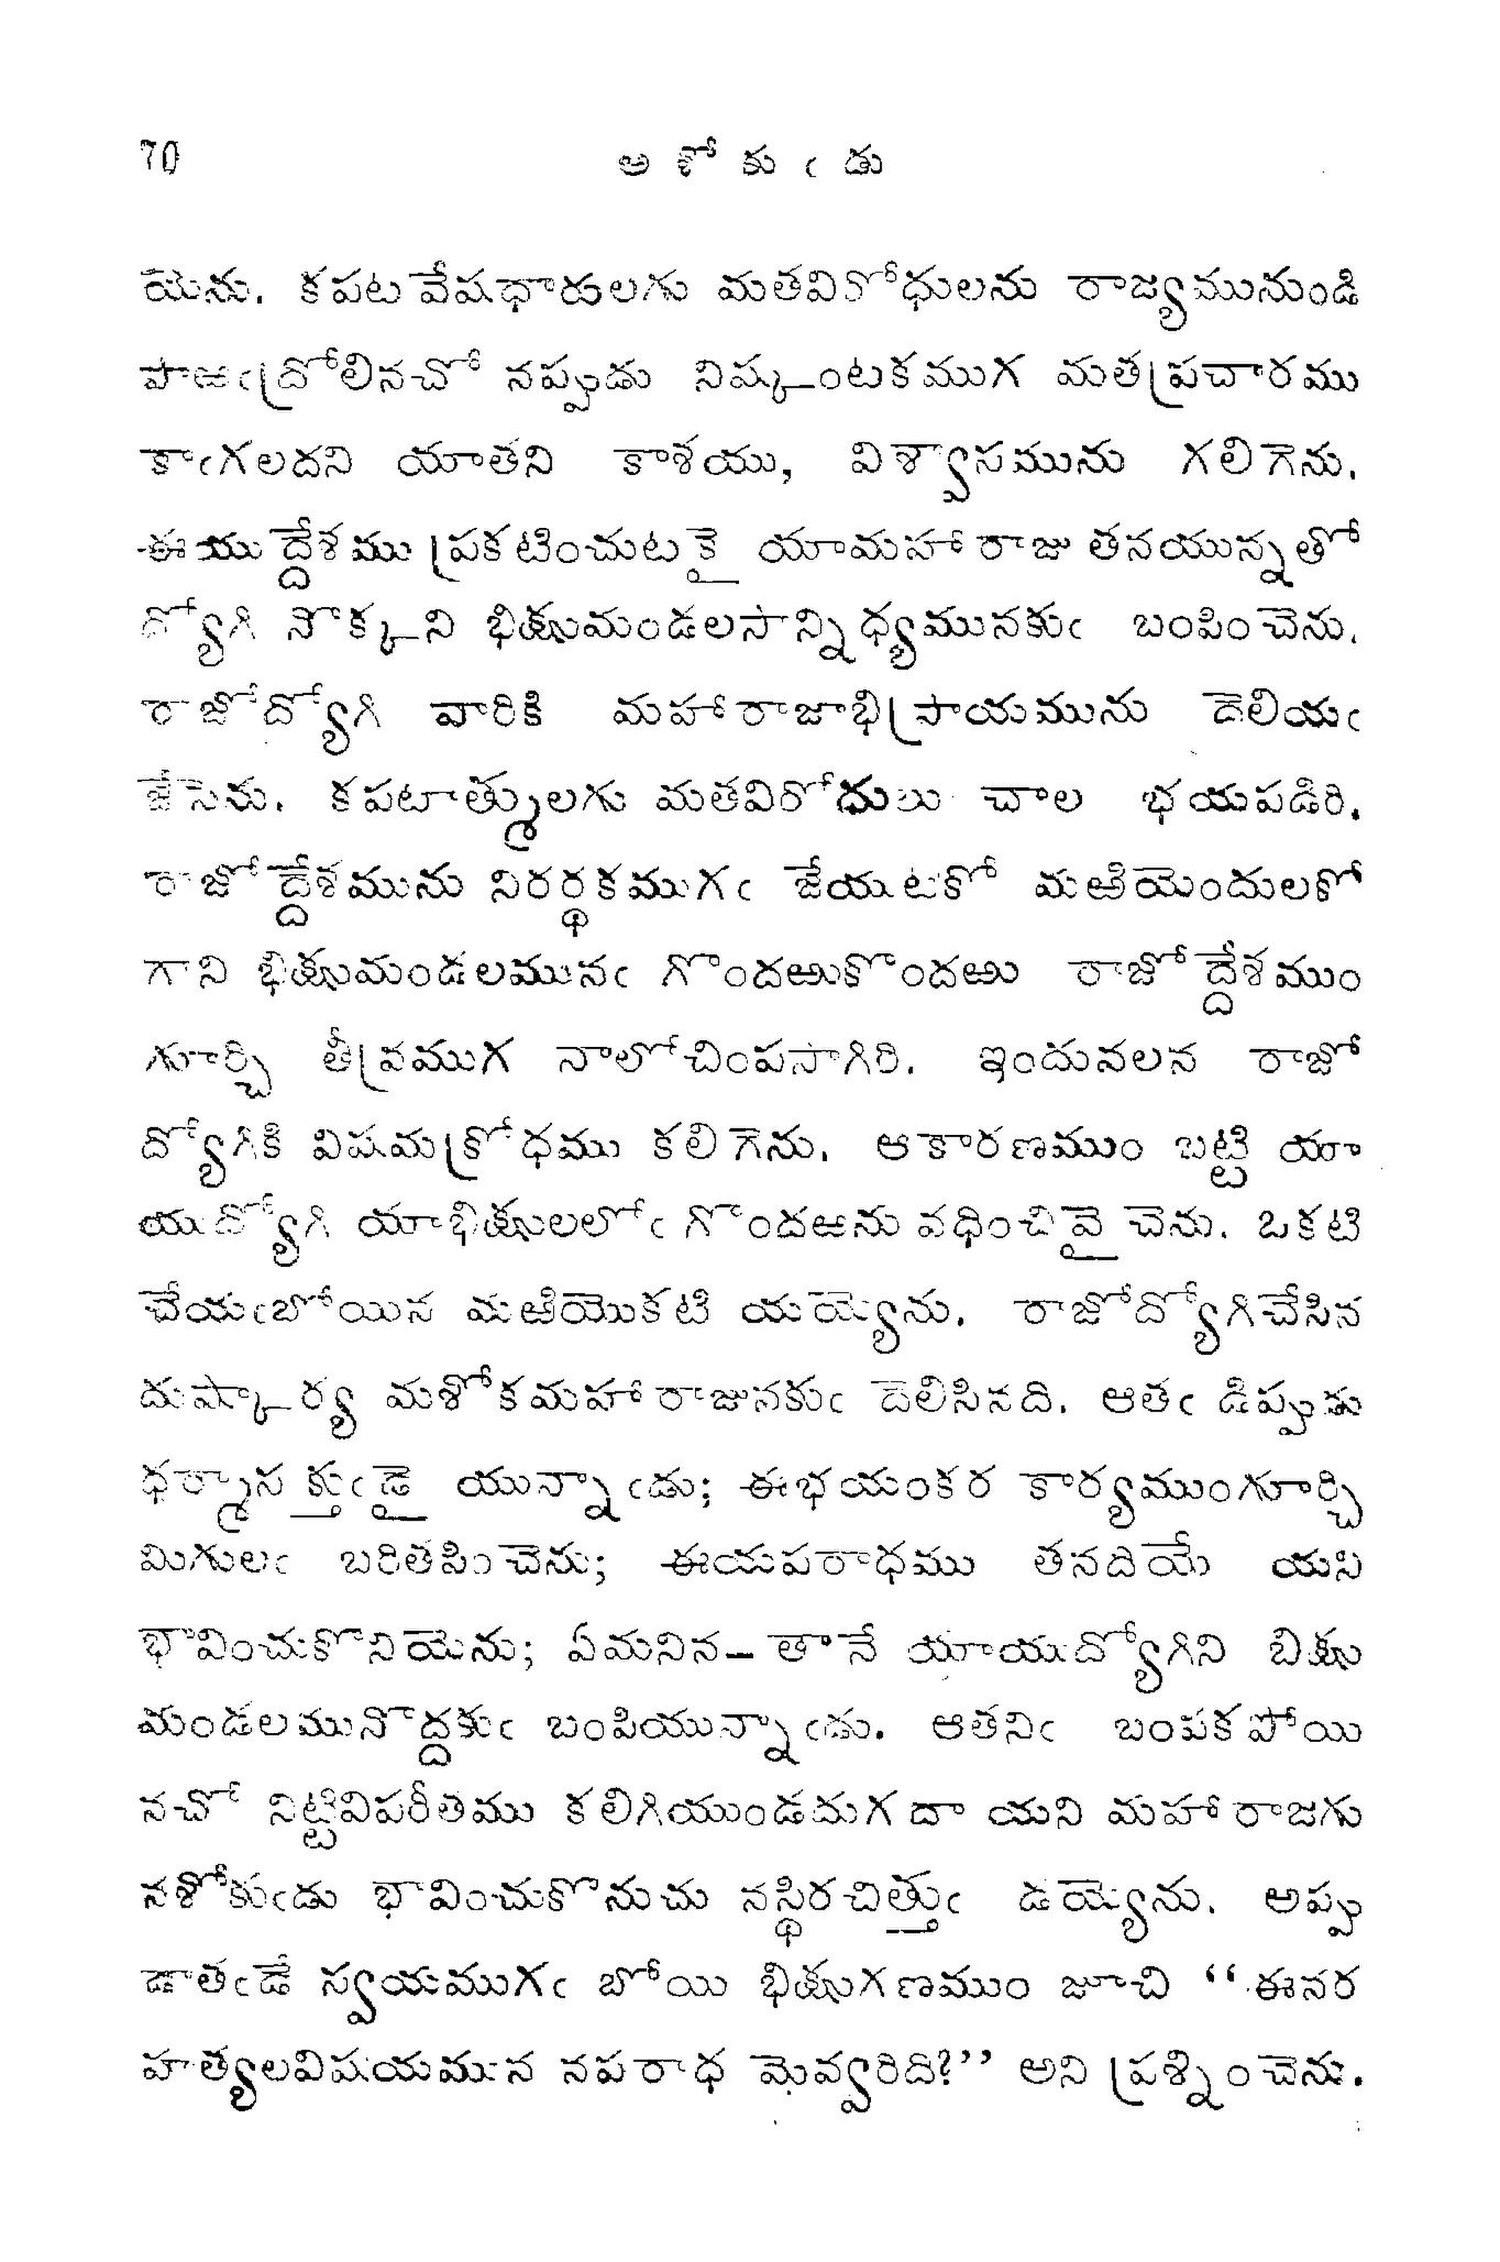యెను. కపట వేషధారులగు మతవిరోధులను రాజ్యమునుండి పొఱఁద్రోలినచో నప్పుడు నిష్కంటకముగ మత ప్రచారము కాఁగలదని యాతని కాశయు, విశ్వాసమును గలిగెను,
ఈ యుద్దేశము ప్రకటించుటకై యామహారాజు తనయున్నతోద్యోగి నొక్కని భిక్షుమండల సాన్నిధ్యమునకుఁ బంపించెను. రాజోద్యోగి వారికి మహా రాజాభిప్రాయమును దెలియఁ
జేసెను. కపటాత్ములగు మతవిరోధులు చాల భయపడిరి. రాజో ద్దేశమును నిరర్థకముగఁ జేయుటకో మఱియెందులకో గాని భిక్షుమండలమునఁ గొందఱుకొందఱు రాజో ద్దేశముం
గూర్చి తీవ్రముగ నాలో చింపసాగిరి. ఇందువలన రాజోద్యోగి కి విషమక్రోధము కలిగెను. ఆ కారణముం బట్టి యా యుద్యోగి యాభిక్షులలోఁ గొందఱను వధించి వైచెను. ఒకటి
చేయఁబోయిన మఱియొకటి యయ్యెను. రాజోద్యోగి చేసిన దుష్కార్య మశోకమహారాజునకుఁ దెలిసినది. ఆతఁ డిప్పుడు ధర్మాస క్తుఁడై యున్నాడు; ఈ భయంకర కార్యముంగూర్చి
మిగులఁ బరితపించెను; ఈయపరాధము తనదియే యని భావించుకొనియెను; ఏమనిన- తానే యాయద్యోగిని బిక్కు మండలము నొద్దకుఁ బంపియున్నాఁడు. అతనిఁ బంపక పోయినచో నిట్టీవిపరీతము కలిగియుండదుగదా యని మహా రాజగు నశోకుఁడు భావించుకొనుచు నస్థిర చిత్తుఁ డయ్యెను. అప్పుడాతఁడే స్వయముగఁ బోయి భిక్షుగణముం జూచి " ఈనర హత్యల విషయమున నపరాధ మెవ్వరిది?” అని ప్రశ్నించెను.